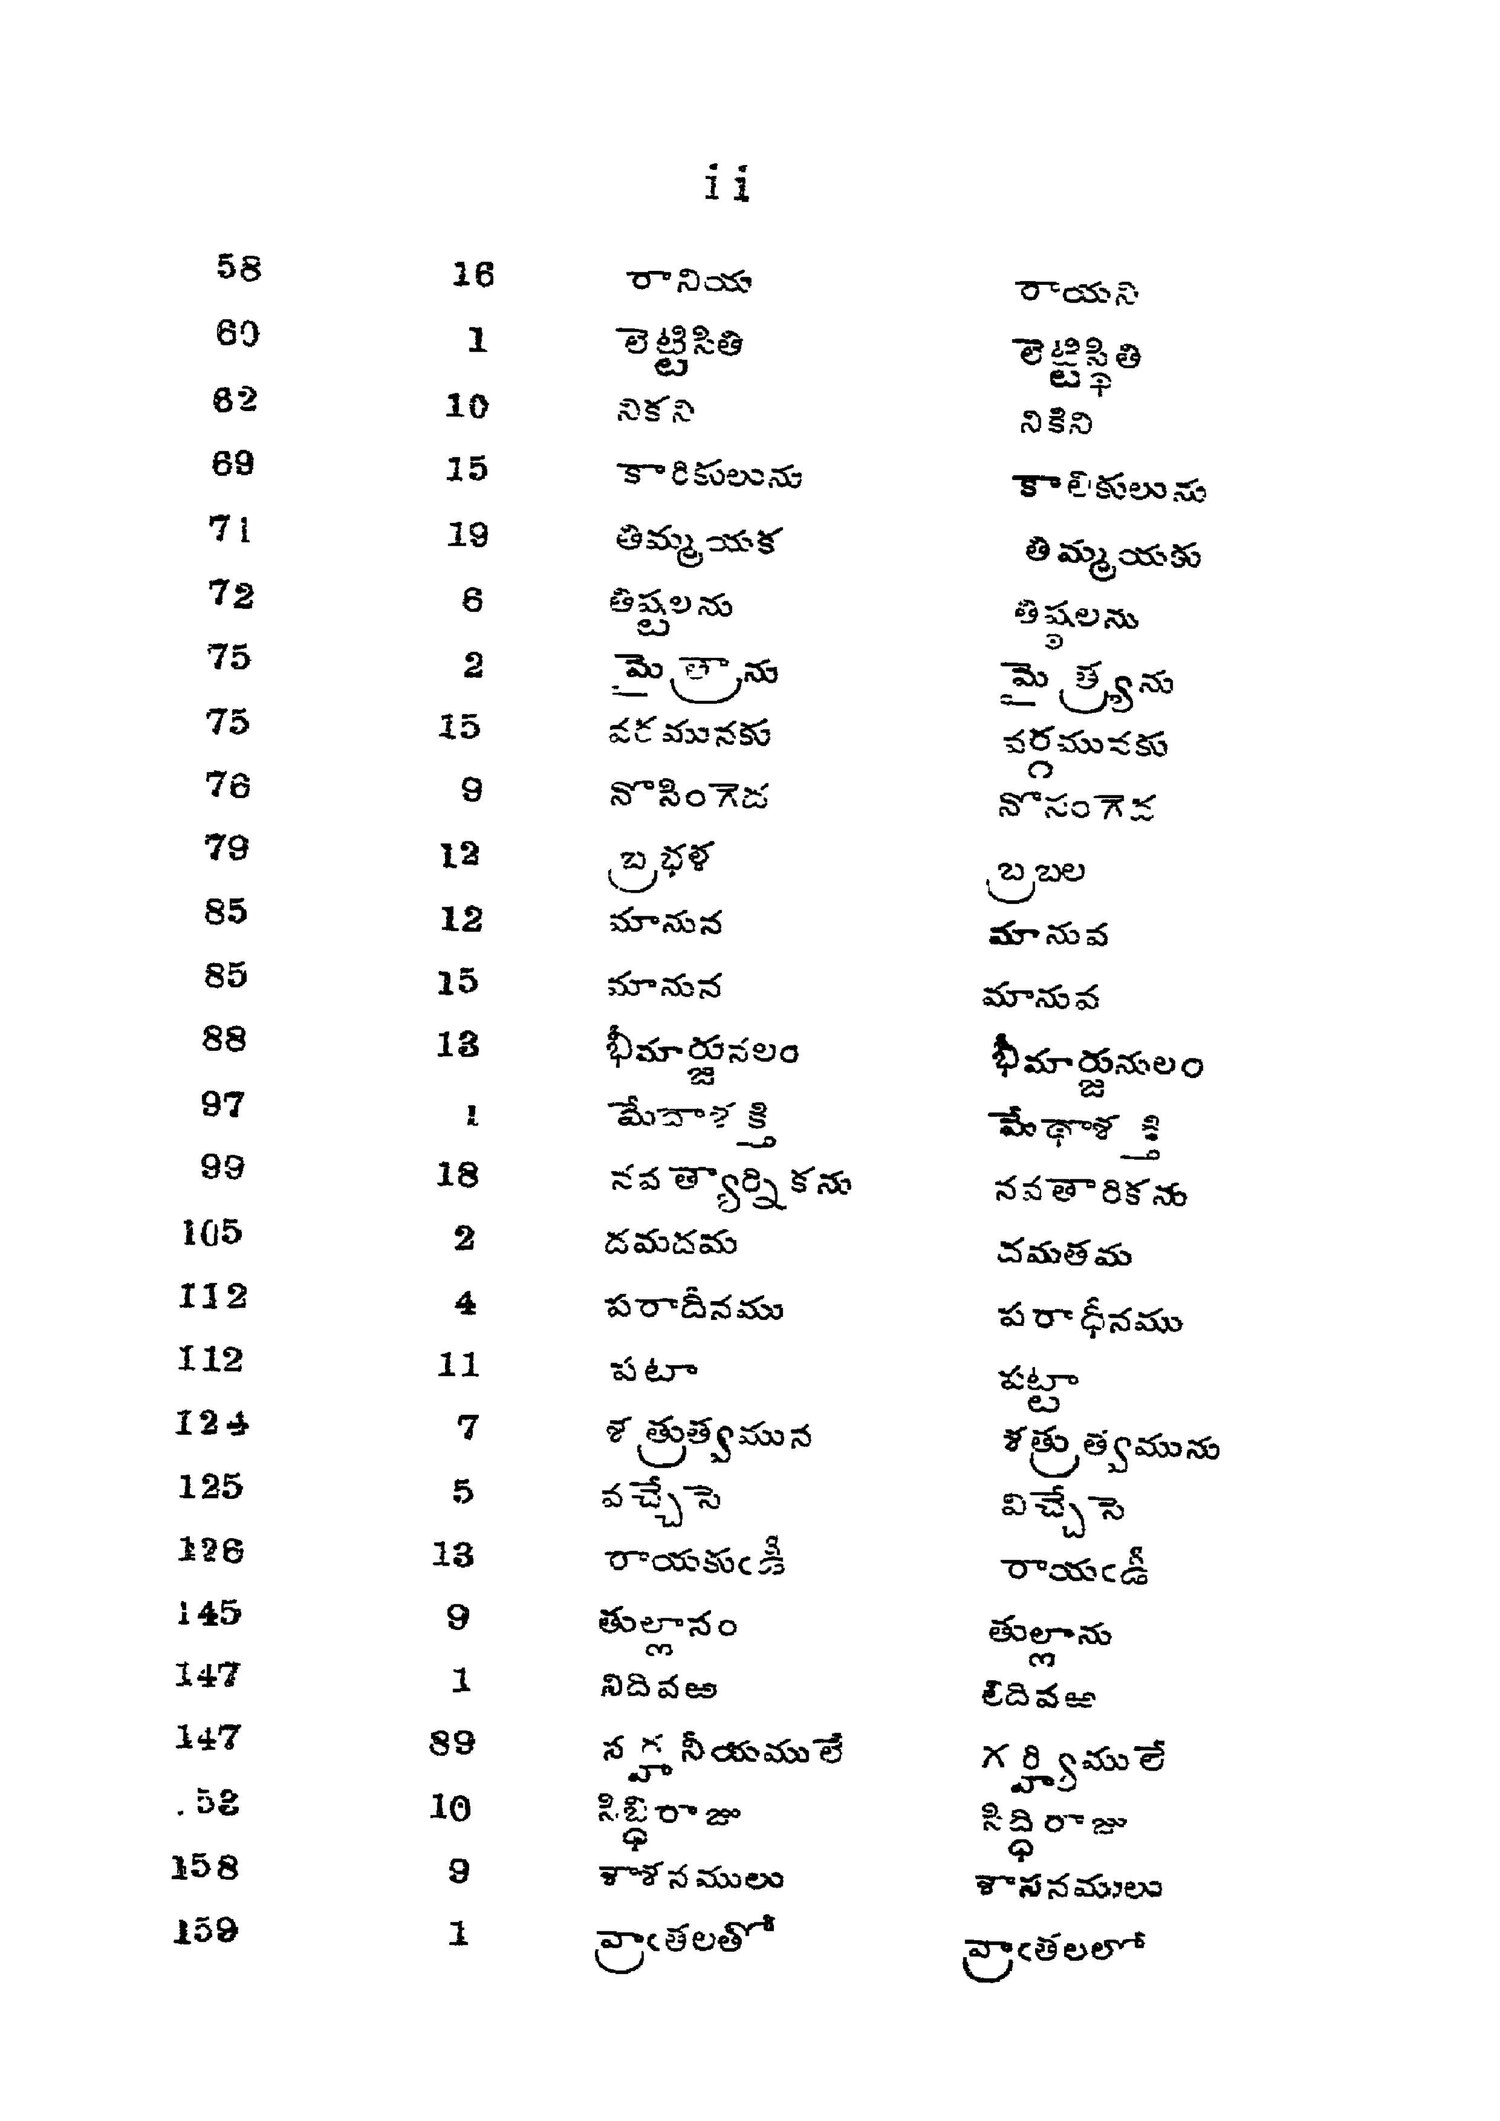58 16 రానియ రాయని 60 1 లెట్టిసితి లెట్టిస్థితి 62 10 నికని నికిని 69 15 కారికులును కాలికులును 71 19 తిమ్మయక తిమ్మయకు 72 6 తిష్టలను తిష్ఠలను 75 2 మైత్రాను మైత్ర్యను 75 15 వరమునకు వర్గమునకు 76 9 నొసింగెద నొసంగెద 79 12 బ్రభళ బ్రబల 85 12 మానున మానువ 85 15 మానున మానువ 88 13 భీమార్జునలం భీమార్జునులం 97 1 మేదాశక్తి మేథాశక్తి 99 18 నవత్యార్నికను నవతారికను 105 2 దమదమ దమతమ 112 4 పరాదీనము పరాధీనము 112 11 పటా పట్టా 124 7 శత్రుత్వమున శత్రుత్వమును 125 5 వచ్చేసె విచ్చేసె 126 13 రాయకుడీ రాయడీ 145 9 తుల్లానం తుల్లాను 147 1 నిదివఱ లిదివఱ 147 8,9 నర్హనీయములే గర్హ్యిములే 153 16 సిబ్ధిరాజు సిద్ధిరాజు 158 9 శాశనములు శాసనములు 159 1 వ్రాతలతో వ్రాతలలో